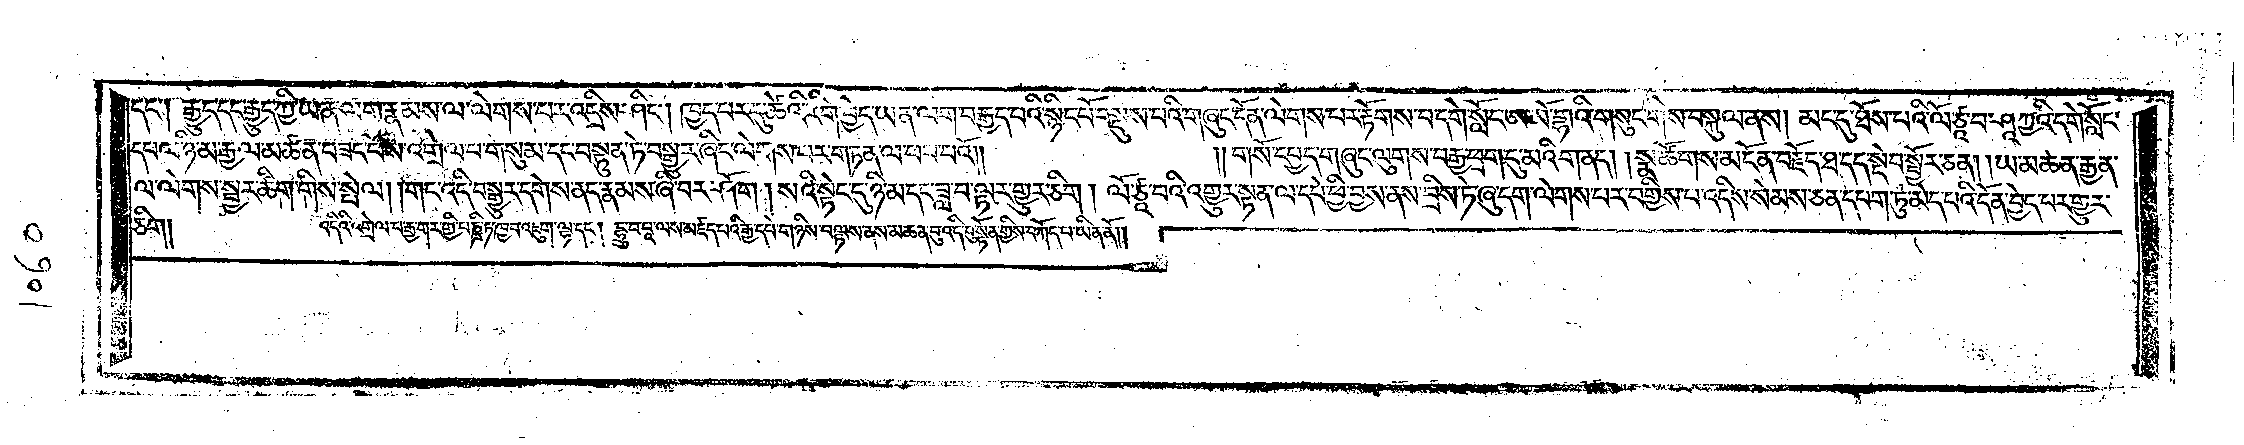དང་། རྒྱུད་དང་རྒྱུད་ཀྱི་ཡན་ལག་རྣམས་ལ་ལེགས་པར་འདྲིས་ཤིང་། ཁྱད་པར་དུ་ཚེའི་རིག་བྱེད་ཡན་ལག་བརྒྱད་པའི་སྙིང་པོ་བསྡུས་པའི་གཞུང་དོན་ལེགས་པར་རྟོགས་བ་དགེ་སློང་ཨ་མོ་གྷའི་གསུང་གིས་བསྐུལ་ནས། མང་དུ་ཐོས་པའི་ལོ་ཙཱ་བ་ཤཱཀྱའི་དགེ་སློང་
དཔལ་ཉི་མ་རྒྱལ་མཚན་བཟང་པོས་འགྲེལ་པ་གསུམ་དང་བསྟུན་ཏེ་བསྒྱུར་ཞིང་ལེགས་པར་གཏན་ལ་ཕབ་པའོ།། །།གསོ་དཔྱད་གཞུང་ལུགས་བརྒྱ་ཕྲག་དུ་མའི་གནད། །སྣ་ཚོགས་མངོན་བརྗོད་ཐ་དད་སྡེབ་སྦྱོར་ཅན། །ཡ་མཚན་རྒྱན་
ལ་ལེགས་སྦྱར་ཚིག་གིས་སྤེལ། །གང་འདི་བསྒྱུར་དགེས་ནད་རྣམས་ཞི་བར་ཤོག །སའི་སྟེང་དུ་ཉི་མ་དང་ཟླ་བ་ལྟར་གྱུར་ཅིག། ལོ་ཙཱ་བའི་འགྱུར་སྟན་ལ་དཔེ་ཕྱི་བྱས་ནས་བྲིས་ཏེ་ཞུ་དག་ལེགས་པར་བགྱིས་པ་འདིས་སེམས་ཅན་དཔག་ཏུ་མེད་པའི་དོན་བྱེད་པར་གྱུར་
ཅིག། འདིའི་འགྲེལ་པ་རྒྱ་གར་གྱི་པཎྜི་ཏ་ཁྱབ་འཇུག་ལྷ་དང་། དྷྲུ་བ་བཱ་ལས་མཛད་པའི་རྒྱ་དཔེ་གཉིས་བལྟས་ནས་མཚན་བུ་འདི་བུ་སྟོན་གྱིས་བཀོད་པ་ཡིན་ནོ།།